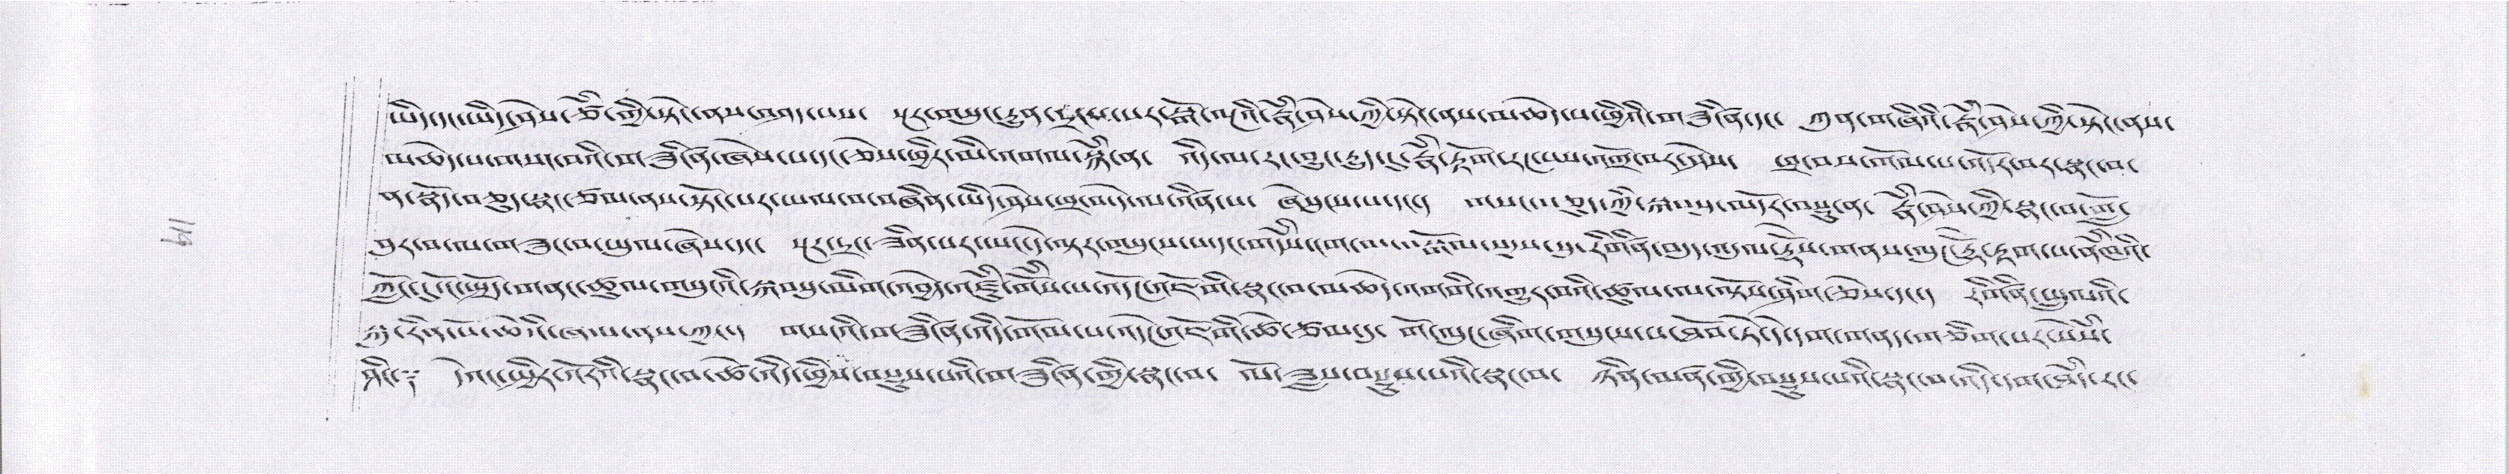ཡིད་དང་ཡིད་ཤེས་ཙམ་གྱི་སྟེང་ནས་བཤད་པས། སྔར་གསུང་རྒྱུན་དྲངས་པར་སྒོ་ལྔའི་རྣམ་ཤེས་ཀྱི་སྟེང་ནས་མཆེད་པ་ཕྱི་ཡི་གཟུང་འཛིན་དང་། ཀུན་གཞིའི་རྣམ་ཤེས་ཀྱི་སྟེང་ནས་
མཆེད་པ་གསང་བའི་གཟུང་འཛིན་ཞེས་པ་དང་ཅིའི་ཕྱིར་མི་འགལ་སྙམ་ན། འདི་ལ་རང་འབྱུང་རྒྱུད་དུ་རྣམ་རྟོག་རགས་པས་འགྲོ་བར་ཤེས། ཕྲ་བས་གོམས་པ་འདོར་བར་སྣང་བ་
ན་སྣོད་བཅུད་སྣང་ཙམ་ནས་སྟོང་པར་ཡལ་བ་བཞིན་ཡིད་ཤེས་ཕྲ་བ་དེ་ལ་འཛིན་པ་ཞེས་གསུངས་པ་དང་། གསང་བཅུད་ཀྱི་སྐབས་སུ་མདོར་བསྡུ་ན། རྣམ་ཤེས་ཀྱི་སྣང་བ་གློ་
བུར་བ་ལ་གཟུང་བ་ཡུལ་ཞེས་དང་། སྔར་དྲངས་ཟིན་པར་ཡང་དེ་ལྟར་གསུངས་པ་དང་གདམས་ངག་མ་བསྒོམས་སངས་རྒྱས་སུ་རིག་འཛིན་བདུད་འདུལ་རྡོ་རྗེས་གནས་ལུགས་རྡོ་རྗེ་རྟག་པ་ནམ་མཁའི་
ཀློང་དུ་ངོ་སྤྲོད་གནང་ཚུལ་གསུངས་པའི་མི་འབྱེད་འཛུམ་གོམས་པ་གོམས་པ་འདེགས་འཇོག་གི་སྣང་བ་མཆེད་འགག་གི་འགྱུར་བའི་ཚུལ་ལ་ལྟོས་ཤིག་ཅེས་དང་། རིག་འཛིན་སྤྲུལ་པའི་
སྐུ་རིན་པོ་ཆེའི་ཞལ་ནས་ཀྱང་། གསང་བའི་གཟུང་འཛིན་འདི་གོམས་པ་འདེགས་འཇོག་གི་ཚད་ཙམ་དུ་གོ་ལུགས་ཤིག་གསུངས་པ་ཐོབ་སྟེ་དེ་དག་གནད་གཅིག་པར་སེམས་
ཤིང་། དེའའང་སྤྱིར་འཁོར་བའི་སྣང་བ་ཚེ་འདི་ཕྱིའི་བསྡུས་པའི་གཟུང་འཛིན་གྱི་སྣང་བ། ལོ་ཟླས་བསྡུས་པའི་སྣང་བ། ཉིན་མཚན་གྱིས་བསྡུས་པའི་སྣང་བ་འདི་དག་ཐམས་ཅད་རང་སེམས་འཁྲུལ་པའི་སྣང་བ་འདི་དག་ཐམས་ཅད་རང་